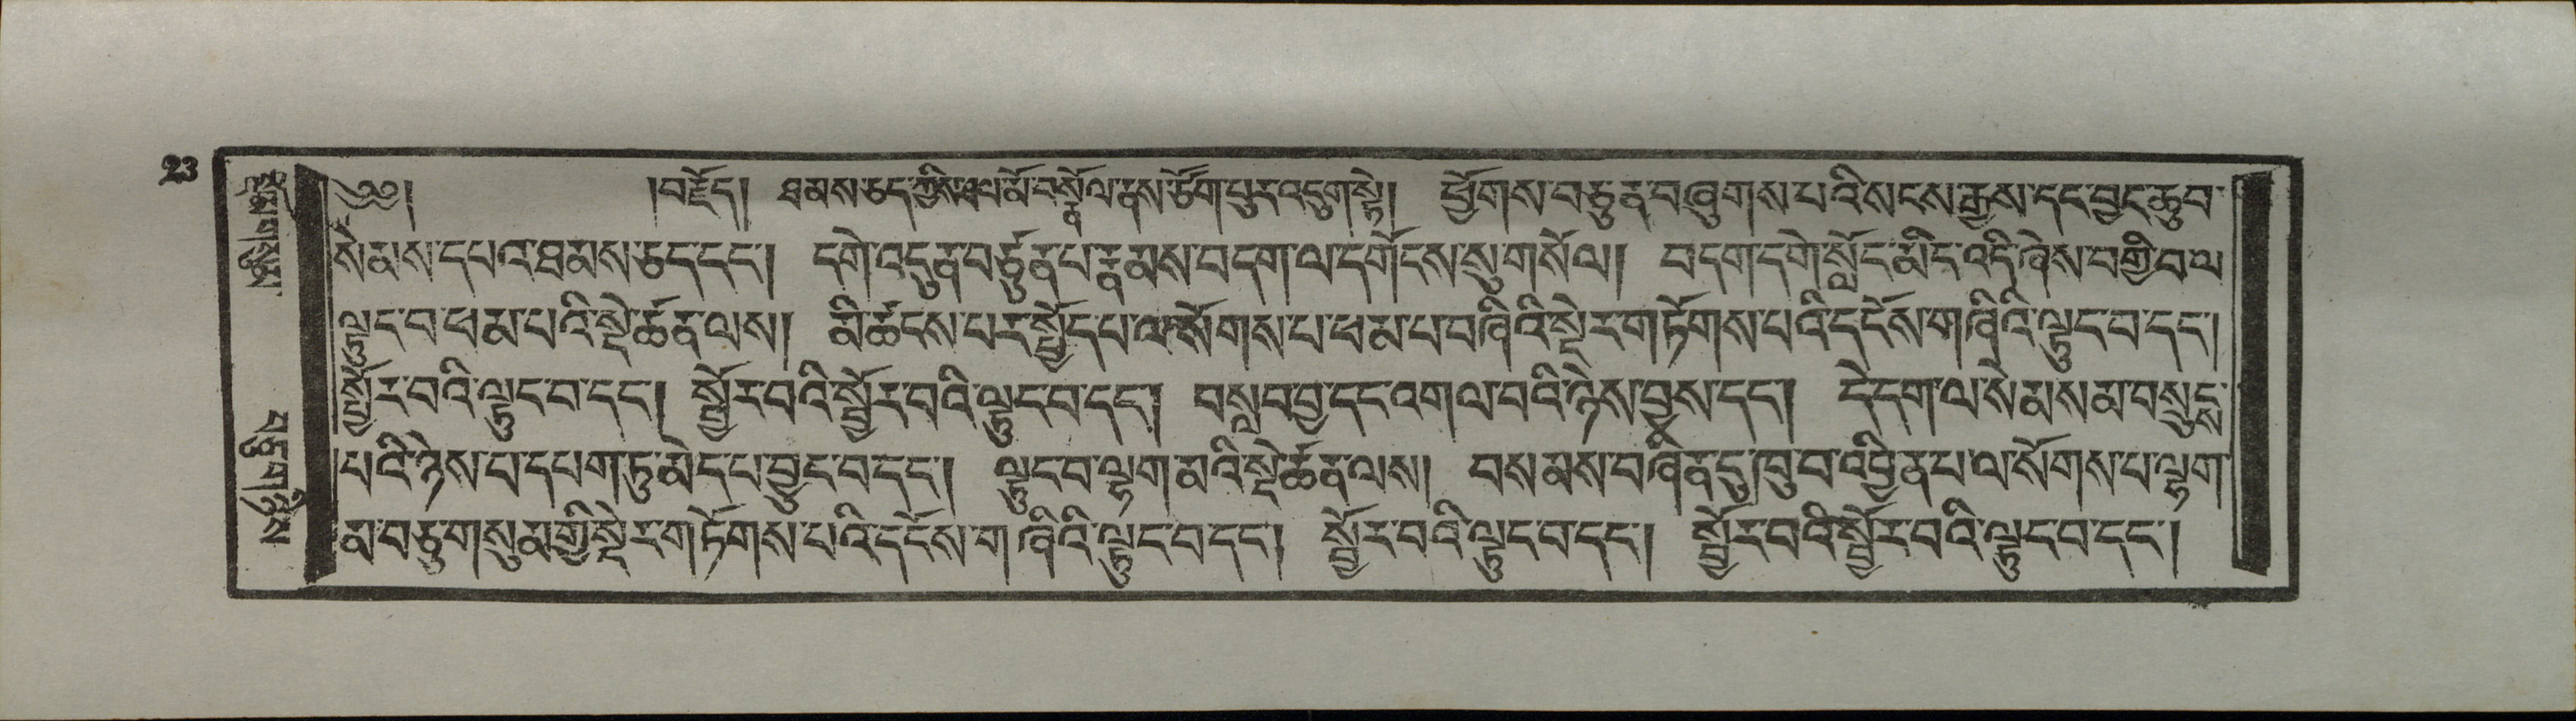༄༅། །བརྗོད། ཐམས་ཅད་ཀྱིས་ཐལ་མོ་བསྣོལ་ནས་ཙོག་པུར་འདུག་སྟེ། ཕྱོགས་བཅུ་ན་བཞུགས་པའི་སངས་རྒྱས་དང་བྱང་ཆུབ་
སེམས་དཔའ་ཐམས་ཅད་དང་། དགེ་འདུན་བཙུན་པ་རྣམས་བདག་ལ་དགོངས་སུ་གསོལ། བདག་དགེ་སློང་མིང་འདི་ཞེས་བགྱི་བ་ལ་
ལྟུང་བ་ཕམ་པའི་སྡེ་ཚན་ལས། མི་ཚངས་པར་སྤྱོད་པ་ལ་སོགས་པ་ཕམ་པ་བཞིའི་སྡེར་གཏོགས་པའི་དངོས་གཞིའི་ལྟུང་བ་དང་།
སྦྱོར་བའི་ལྟུང་བ་དང་། སྦྱོར་བའི་སྦྱོར་བའི་ལྟུང་བ་དང་། བསླབ་བྱ་དང་འགལ་བའི་ཉེས་བྱས་དང་། དེ་དག་ལ་སེམས་མ་བསྲུངས་
པའི་ཉེས་པ་དཔག་ཏུ་མེད་པ་བྱུང་བ་དང་། ལྟུང་བ་ལྷག་མའི་སྡེ་ཚན་ལས། བསམས་བཞིན་དུ་ཁུ་བ་འབྱིན་པ་ལ་སོགས་པ་ལྷག་
མ་བཅུ་གསུམ་གྱི་སྡེར་གཏོགས་པའི་དངོས་གཞིའི་ལྟུང་བ་དང་། སྦྱོར་བའི་ལྟུང་བ་དང་། སྦྱོར་བའི་སྦྱོར་བའི་ལྟུང་བ་དང་།